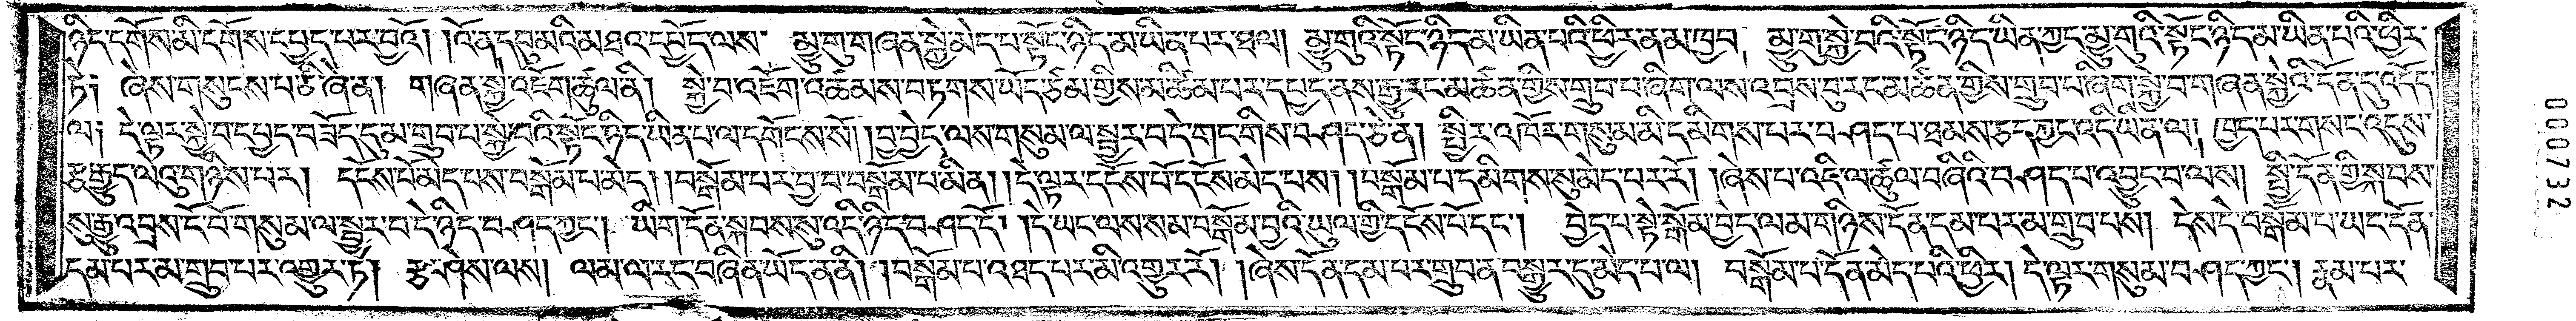ཉིད་དགོས་མི་དགོས་དཔྱད་པར་བྱའོ། །འོ་ན་དབུ་མའི་མཐའ་དཔྱོད་ལས་མྱུ་གུ་གཞན་སྐྱེ་མེད་པ་སྟོང་ཉིད་མ་ཡིན་པར་ཐལ། མྱུ་གུའི་སྟོང་ཉིད་མ་ཡིན་པའི་ཕྱིར་ན་མ་ཁྱབ། མྱུ་གུ་སྐྱེ་བའི་སྟོང་ཉིད་ཡིན་ཀྱང་མྱུ་གུའི་སྟོང་ཉིད་མ་ཡིན་པའི་ཕྱིར་
ཏེ༑ ཞེས་གསུངས་པ་ཅི་ཞེ་ན། གཞན་སྐྱེ་འཇོག་ཚུལ་ནི། སྐྱེ་བ་འཇོག་འཚམས་བཏགས་ཡོད་ཙམ་གྱིས་མ་ཚིམ་པར་དཔྱད་ནས་རྒྱུ་རང་མཚན་གྱིས་གྲུབ་པ་ཞིག་ལས་འབྲས་བུ་རང་མཚན་གྱིས་གྲུབ་པ་ཞིག་སྐྱེ་བ་གཞན་སྐྱེའི་དོན་དུ་འདོད་
ལ༑ དེ་ལྟར་སྐྱེ་བ་དཔྱད་བཟོད་དུ་མ་གྲུབ་པ་སྐྱེ་བའི་སྟོང་ཉིད་ཡིན་པ་ལ་དགོངས་སོ། །བྱ་བྱེད་ལས་གསུམ་ལ་སྦྱར་བ་དེ་གང་གིས་བཤད་ཅེ་ན། སྤྱིར་འཁོར་གསུམ་མི་དམིགས་པར་བཤད་པ་ཐམས་ཅད་ཀྱང་འདི་ཡིན་ལ། ཁྱད་པར་གསང་འདུས་
རྩ་རྒྱུད་ལེའུ་གཉིས་པར། དངོས་པོ་མེད་པས་བསྒོམ་པ་མེད། །བསྒོམ་པར་བྱ་བ་བསྒོམ་པ་མིན། །དེ་ལྟར་དངོས་པོ་དངོས་མེད་པས། །བསྒོམ་པ་དམིགས་སུ་མེད་པར་རོ། །ཞེས་པ་འདི་ལ་ཚུལ་བཞིའི་བཤད་པ་འབྱུང་བ་ལས། སྤྱི་དོན་གྱི་སྐབས་
སུ་རྒྱུ་འབྲས་ངོ་བོ་གསུམ་ལ་སྦྱར་བ་དེ་ཉིད་བཤད་ཀྱང་། ཡིག་དོན་སྐབས་སུ་འདི་ཉིད་བཤད་དོ། །དེ་ཡང་ལས་སམ་བསྒོམ་བྱའི་ཡུལ་གྱི་དངོས་པོ་དང་། བྱེད་པ་སྟེ་སྒོམ་བྱེད་ལམ་གཉིས་དོན་དམ་པར་མ་གྲུབ་པས། དེས་དེ་བསྒོམ་པ་ཡང་དོན་
དམ་པར་མ་གྲུབ་པར་འགྱུར་ཏེ། རྩ་ཤེས་ལས། ལམ་ལ་རང་བཞིན་ཡོད་ན་ནི། །བསྒོམ་པ་འཐད་པར་མི་འགྱུར་རོ། །ཞེས་དོན་དམ་པར་གྲུབ་ན་བསྒྱུར་དུ་མེད་པ་ལ། བསྒོམ་པ་དོན་མེད་པའི་ཕྱིར། དེ་ལྟར་གསུམ་བཤད་ཀྱང་། རྣམ་པར་